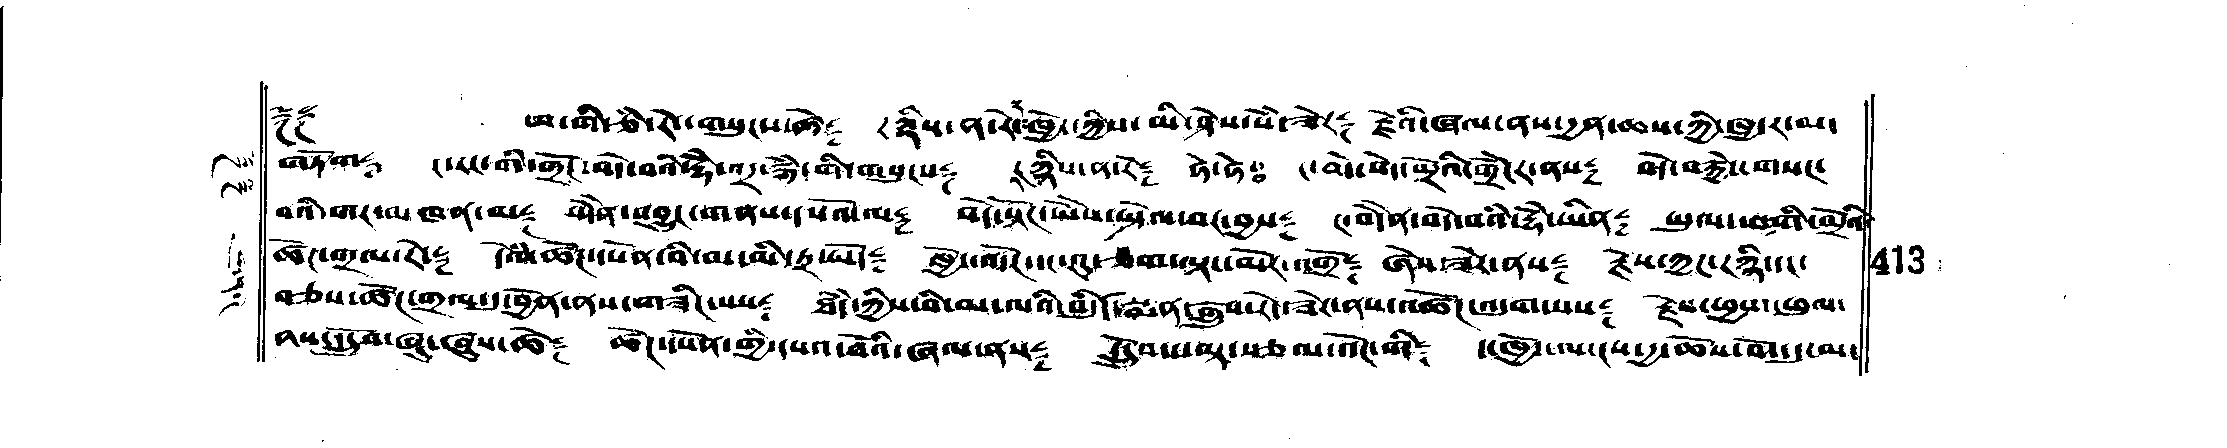ཕ་གི་ཅི་རེད་གསུངས་ཚེ། ཌཱཀྐིས་ན་རེ་ང་ཁྱོད་ཀྱིས་མི་ཤེས་སམ་ཟེར།རྗེའི་ཞལ་ནས་རྒྱན་ཆས་ཀྱི་ཁྱད་པར་མ་
གཏོགས། ང་རང་གི་གྲོགས་བདེ་བའི་རྡོ་རྗེ་འདྲ་སྙམ་གྱི་གསུངས། ཌཱཀྐིས་ན་རེ། ཧེ་ཧེཿ ང་བདེ་ཆེན་མཁའ་འགྲོའི་གྲོང་ཁྱེར་ནས། །བདེ་བསྐྱེད་གསང་
བའི་གར་མཁན་མ། །བདེ་ཆེན་འབྱུང་གནས་དཔའ་བོ་ལ། །བདེ་སྟོང་ཡེ་ཤེས་སྤེལ་བར་བྱས། །ང་བདེ་ཆེན་བདེ་བའི་རྡོ་རྗེ་ཡིན། །ཡུལ་ཕ་གི་མཁའ་འགྲོའི་
ཚོགས་གྲལ་རེད། །དེའི་ཚོགས་དཔོན་བི་མ་མི་ཏྲ་ཡོད། ཁྱེད་འདོང་དང་འུ་ཅག་ལྟད་མོར་འགྲོ། །ཞེས་ཟེར་ནས། རྗེས་ཀྱང་ཌཱཀྐི་དང་
བཅས་ཚོགས་གྲལ་དུ་བྱོན་ནས་གཟིགས་པས། ཐམས་ཅད་ཀྱིས་བི་མ་ལའི་བདུད་རྩི་སྨན་སྒྲུབ་རེད་ཟེར་ནས་འཚོགས་འདུག་པས། རྗེས་ཕྱག་ཕུལ་
ནས་དངོས་གྲུབ་ཞུ་ཞུས་ཚེ། ཚོགས་དཔོན་གྱི་དཔའ་བོའི་ཞལ་ནས། དངོས་གྲུབ་ད་ལྟ་བསྩལ་འོང་གི། ད་ཁྱོད་ལ་ངས་རྒྱ་ཆོས་བོད་དུ་མ་